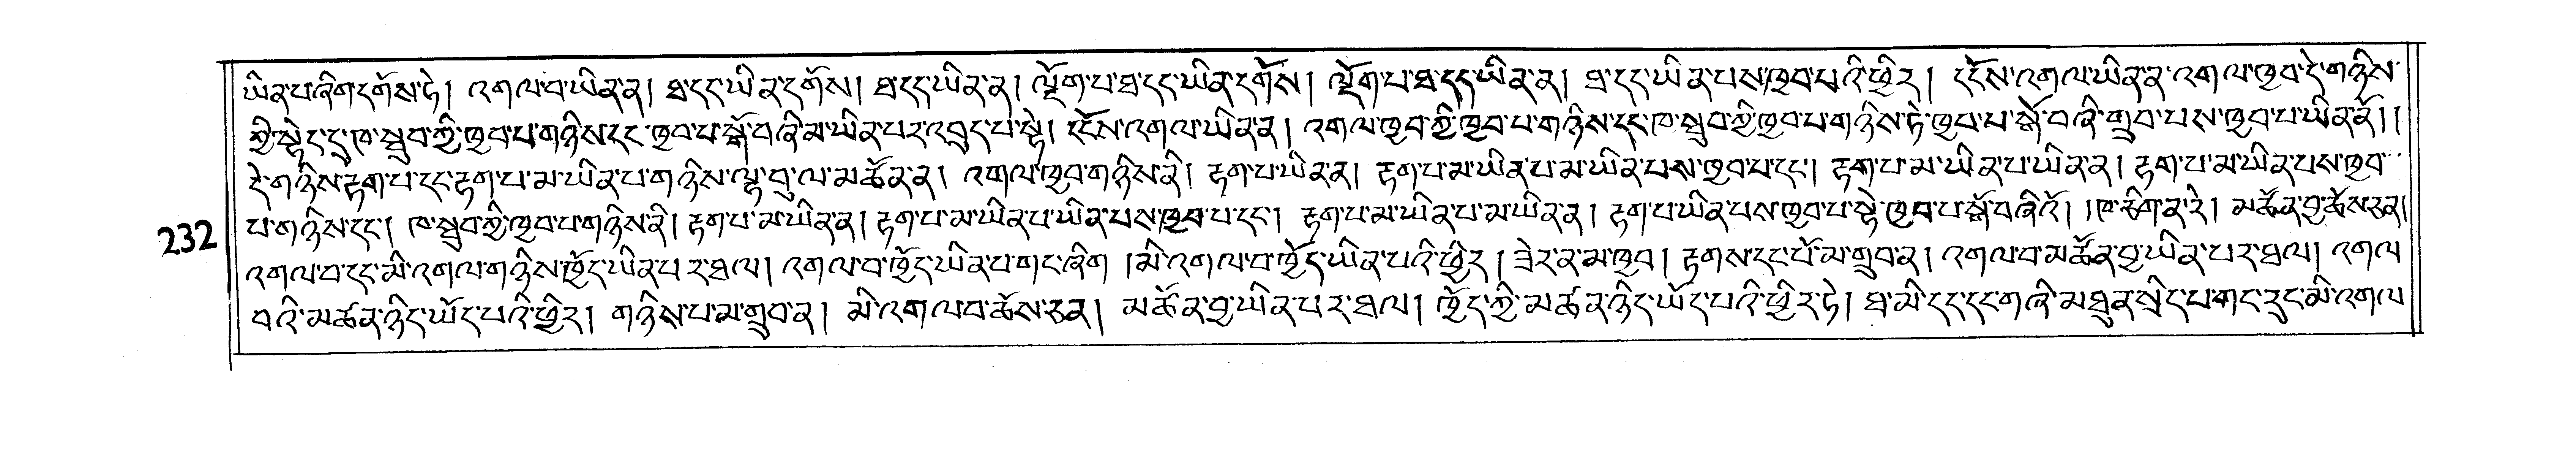ཡིན་པ་ཞིག་དགོས་ཏེ། འགལ་བ་ཡིན་ན། ཐ་དད་ཡིན་དགོས། ཐ་དད་ཡིན་ན། ལྡོག་པ་ཐ་དད་ཡིན་དགོས། ལྡོག་པ་ཐ་དད་ཡིན་ན། ཐ་དད་ཡིན་པས་ཁྱབ་པའི་ཕྱིར། དངོས་འགལ་ཡིན་ན་འགལ་ཁྱབ་དེ་གཉིས་
ཀྱི་སྟེང་དུ་ཁ་སྦུབ་ཀྱི་ཁྱབ་པ་གཉིས་དང་ཁྱབ་པ་སྒོ་བཞི་མ་ཡིན་པར་འབུད་པ་སྟེ། དངོས་འགལ་ཡིན་ན། འགལ་ཁྱབ་ཀྱི་ཁྱབ་པ་གཉིས་དང་ཁ་སྦུབ་ཀྱི་ཁྱབ་པ་གཉིས་ཏེ་ཁྱབ་པ་སྒོ་བཞི་གྲུབ་པས་ཁྱབ་པ་ཡིན་ནོ།།
དེ་གཉིས་རྟག་པ་དང་རྟག་པ་མ་ཡིན་པ་གཉིས་ལྟ་བུ་ལ་མཚོན་ན། འགལ་ཁྱབ་གཉིས་ནི། རྟག་པ་ཡིན་ན། རྟག་པ་མ་ཡིན་པ་མ་ཡིན་པས་ཁྱབ་པ་དང་། རྟག་པ་མ་ཡིན་པ་ཡིན་ན། རྟག་པ་མ་ཡིན་པས་ཁྱབ་
པ་གཉིས་དང་། ཁ་སྦུབ་ཀྱི་ཁྱབ་པ་གཉིས་ནི། རྟག་པ་མ་ཡིན་ན། རྟག་པ་མ་ཡིན་པ་ཡིན་པས་ཁྱབ་པ་དང་། རྟག་པ་མ་ཡིན་པ་མ་ཡིན་ན། རྟག་པ་ཡིན་པས་ཁྱབ་པ་སྟེ་ཁྱབ་པ་སྒོ་བཞིའོ། །ཁ་ཅིག་ན་རེ། མཚོན་བྱ་ཆོས་ཅན།
འགལ་བ་དང་མི་འགལ་གཉིས་ཁྱོད་ཡིན་པར་ཐལ། འགལ་བ་ཁྱོད་ཡིན་པ་གང་ཞིག །མི་འགལ་བ་ཁྱོད་ཡིན་པའི་ཕྱིར། ཟེར་ན་མ་ཁྱབ། རྟགས་དང་པོ་མ་གྲུབ་ན། འགལ་བ་མཚོན་བྱ་ཡིན་པར་ཐལ། འགལ་
བའི་མཚན་ཉིད་ཡོད་པའི་ཕྱིར། གཉིས་པ་མ་གྲུབ་ན། མི་འགལ་བ་ཆོས་ཅན། མཚོན་བྱ་ཡིན་པར་ཐལ། ཁྱོད་ཀྱི་མཚན་ཉིད་ཡོད་པའི་ཕྱིར་ཏེ། ཐ་མི་དད་དང་གཞི་མཐུན་སྲིད་པ་གང་རུང་མི་འགལ་